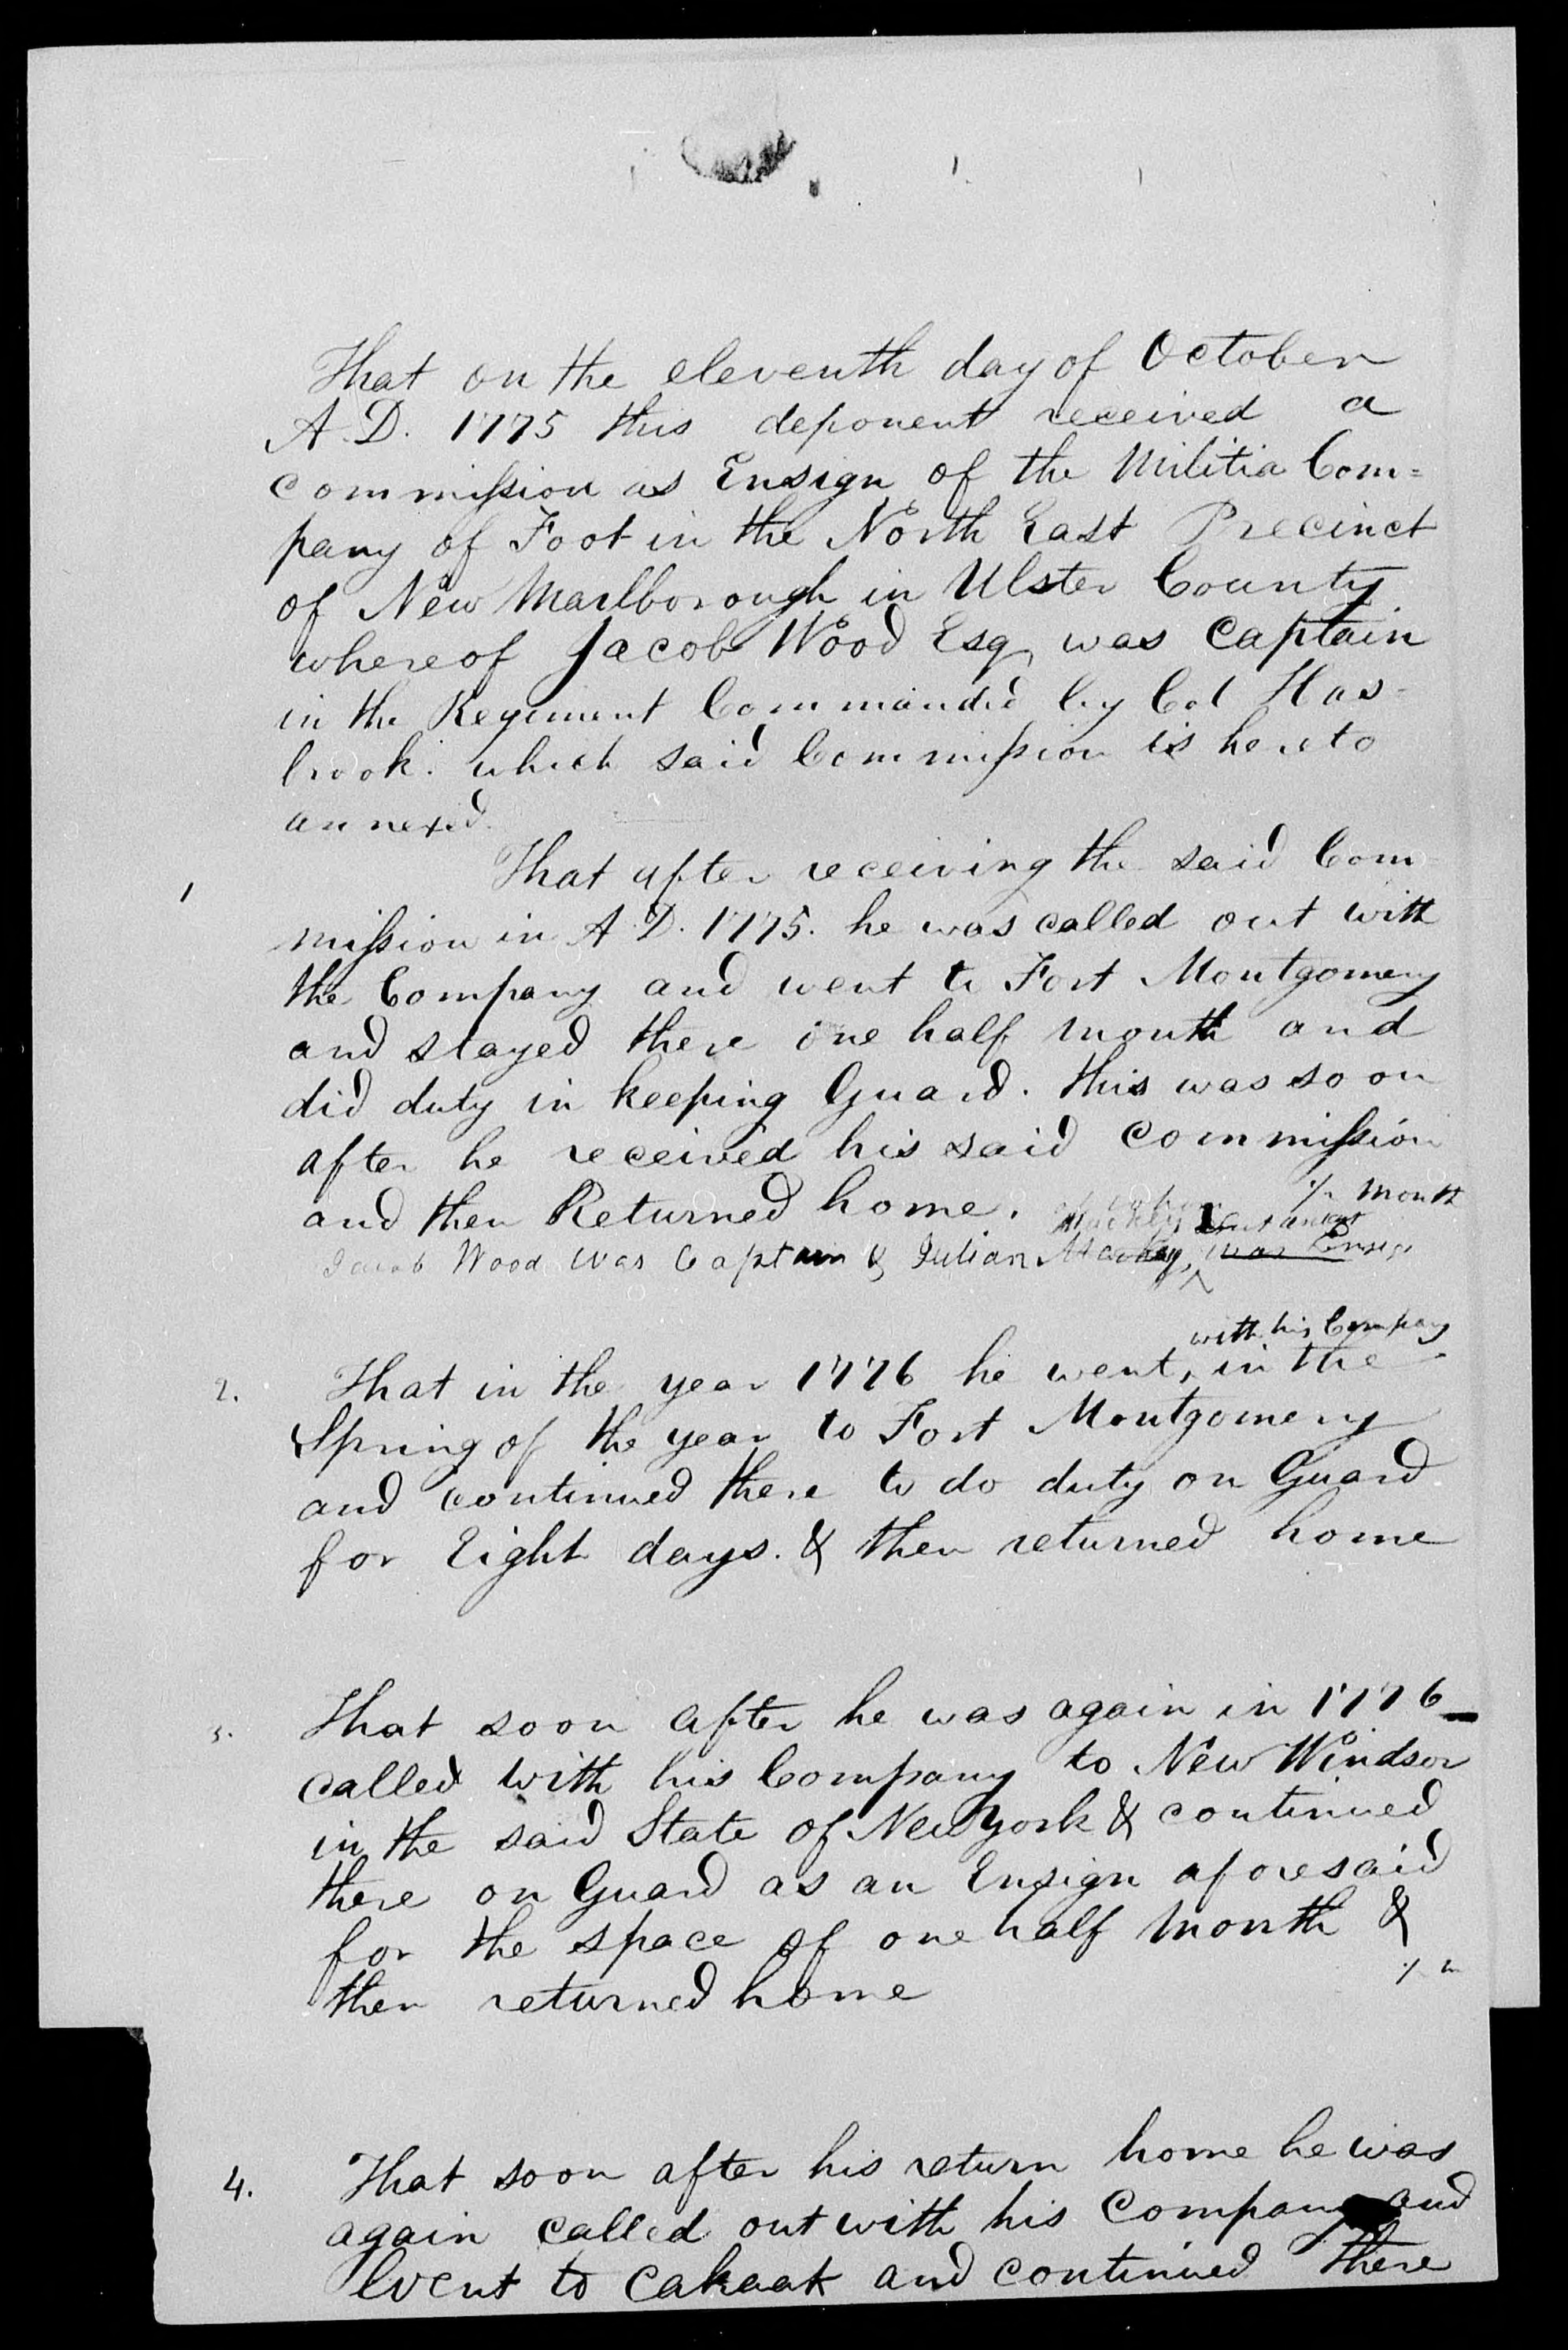That on the eleventh day of October
A.D. 1775 this deponent received a
commission as Ensign of the Militia Company of Foot in the North East Precinct of New Marlborough in Ulster County whereof Jacob Wood Esq, was Captain in the Regiment commanded by Col Hasbrook, which said Commission is hereto annexed.
1. That after receiving the said Com
mission in A.D. 1775. he was called out with the Company and went to Fort Montgomery and stayed there one half month and did duty in keeping guard. this was so on after he received his said commission and then returned home, 1/2 month  Jacob Wood was Captain & Julian Mackey was Ensign

2. That in the year 1776 he went with his Company in the Spring of the year to Fort Montgomery and continued there to do duty on Guard for Eight days & then returned home

3. That soon after he was again in 1776- called with his Company
to New Windsor in the said State of New York & continued there on Guard as an Ensign aforesaid for the space of one half month & then returned home  1/2 m

4. That soon after his return he was again called out with his Company and went to Calack make and continued there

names: [BLANK] Hasbrook; Julian Mackey; Jacob Wood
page: 10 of 25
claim: survivor's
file: S. 13668, for John Knowlton, New York